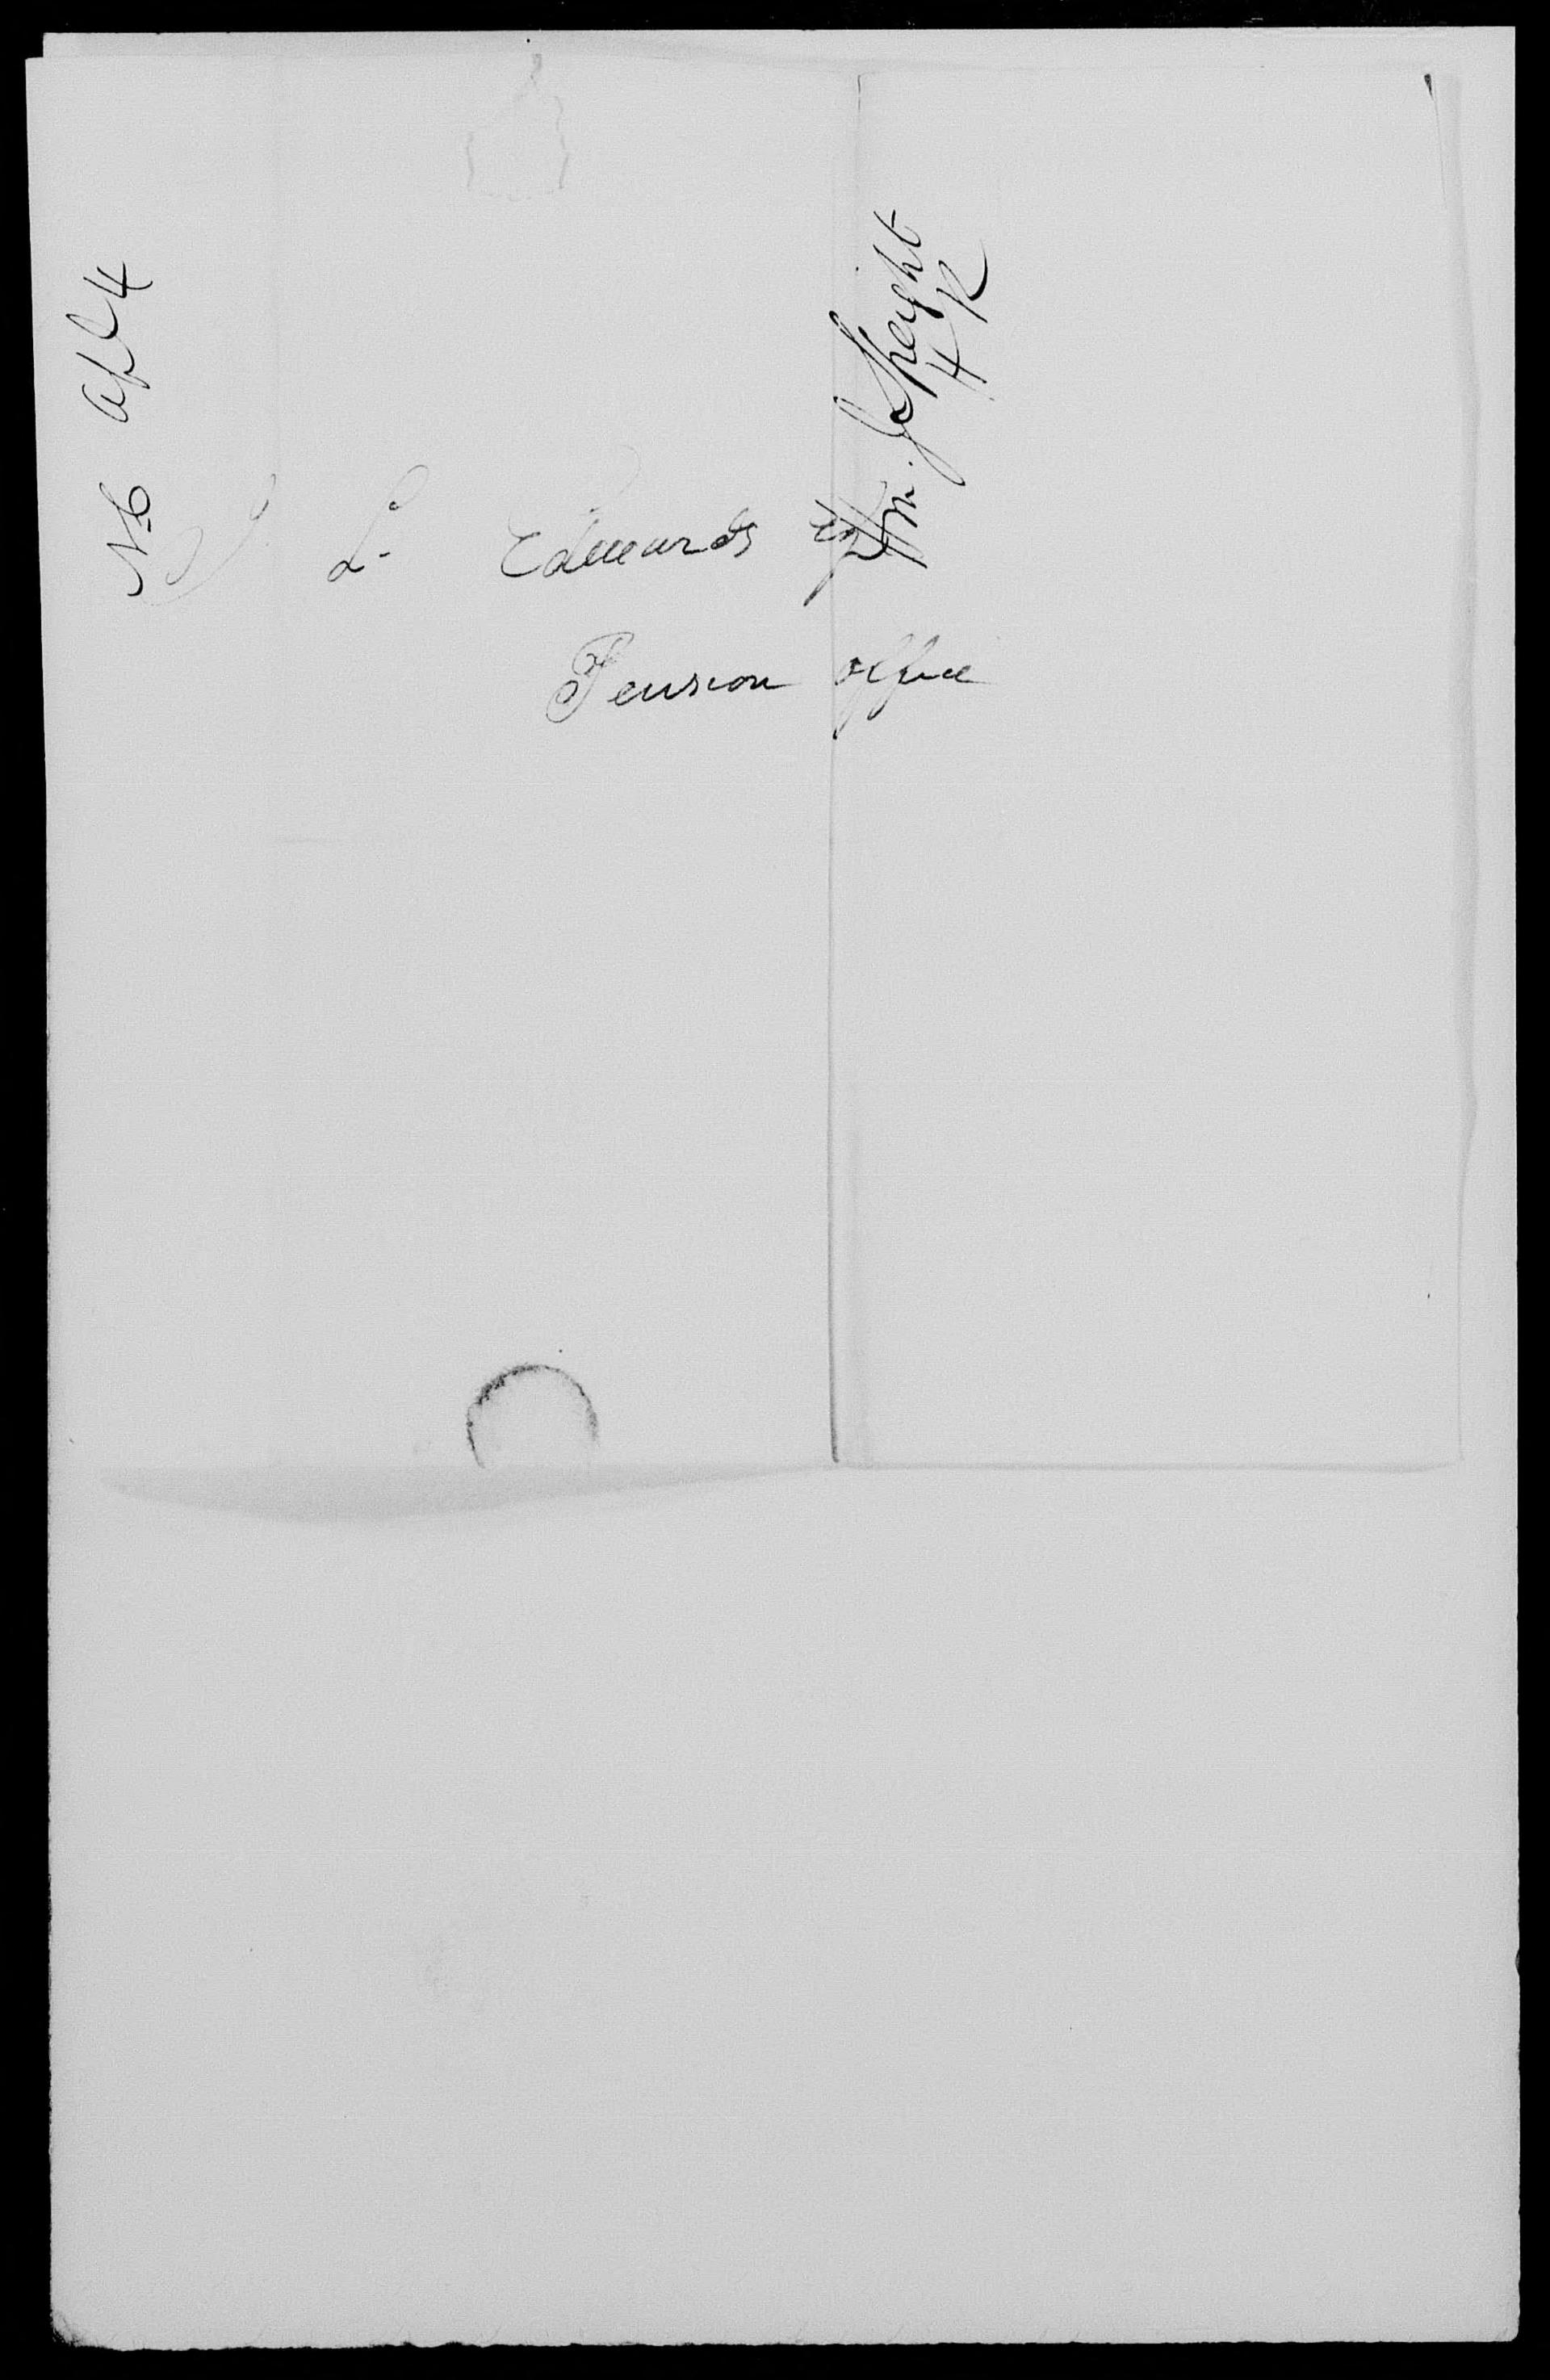J L. Edwards 
Pension office


N.C Apl 4


Hon. J Speight
H R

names: J L Edwards, J Speight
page: 35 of 42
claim: survivor's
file: S. 6579, Henry Barnhill, N. C.